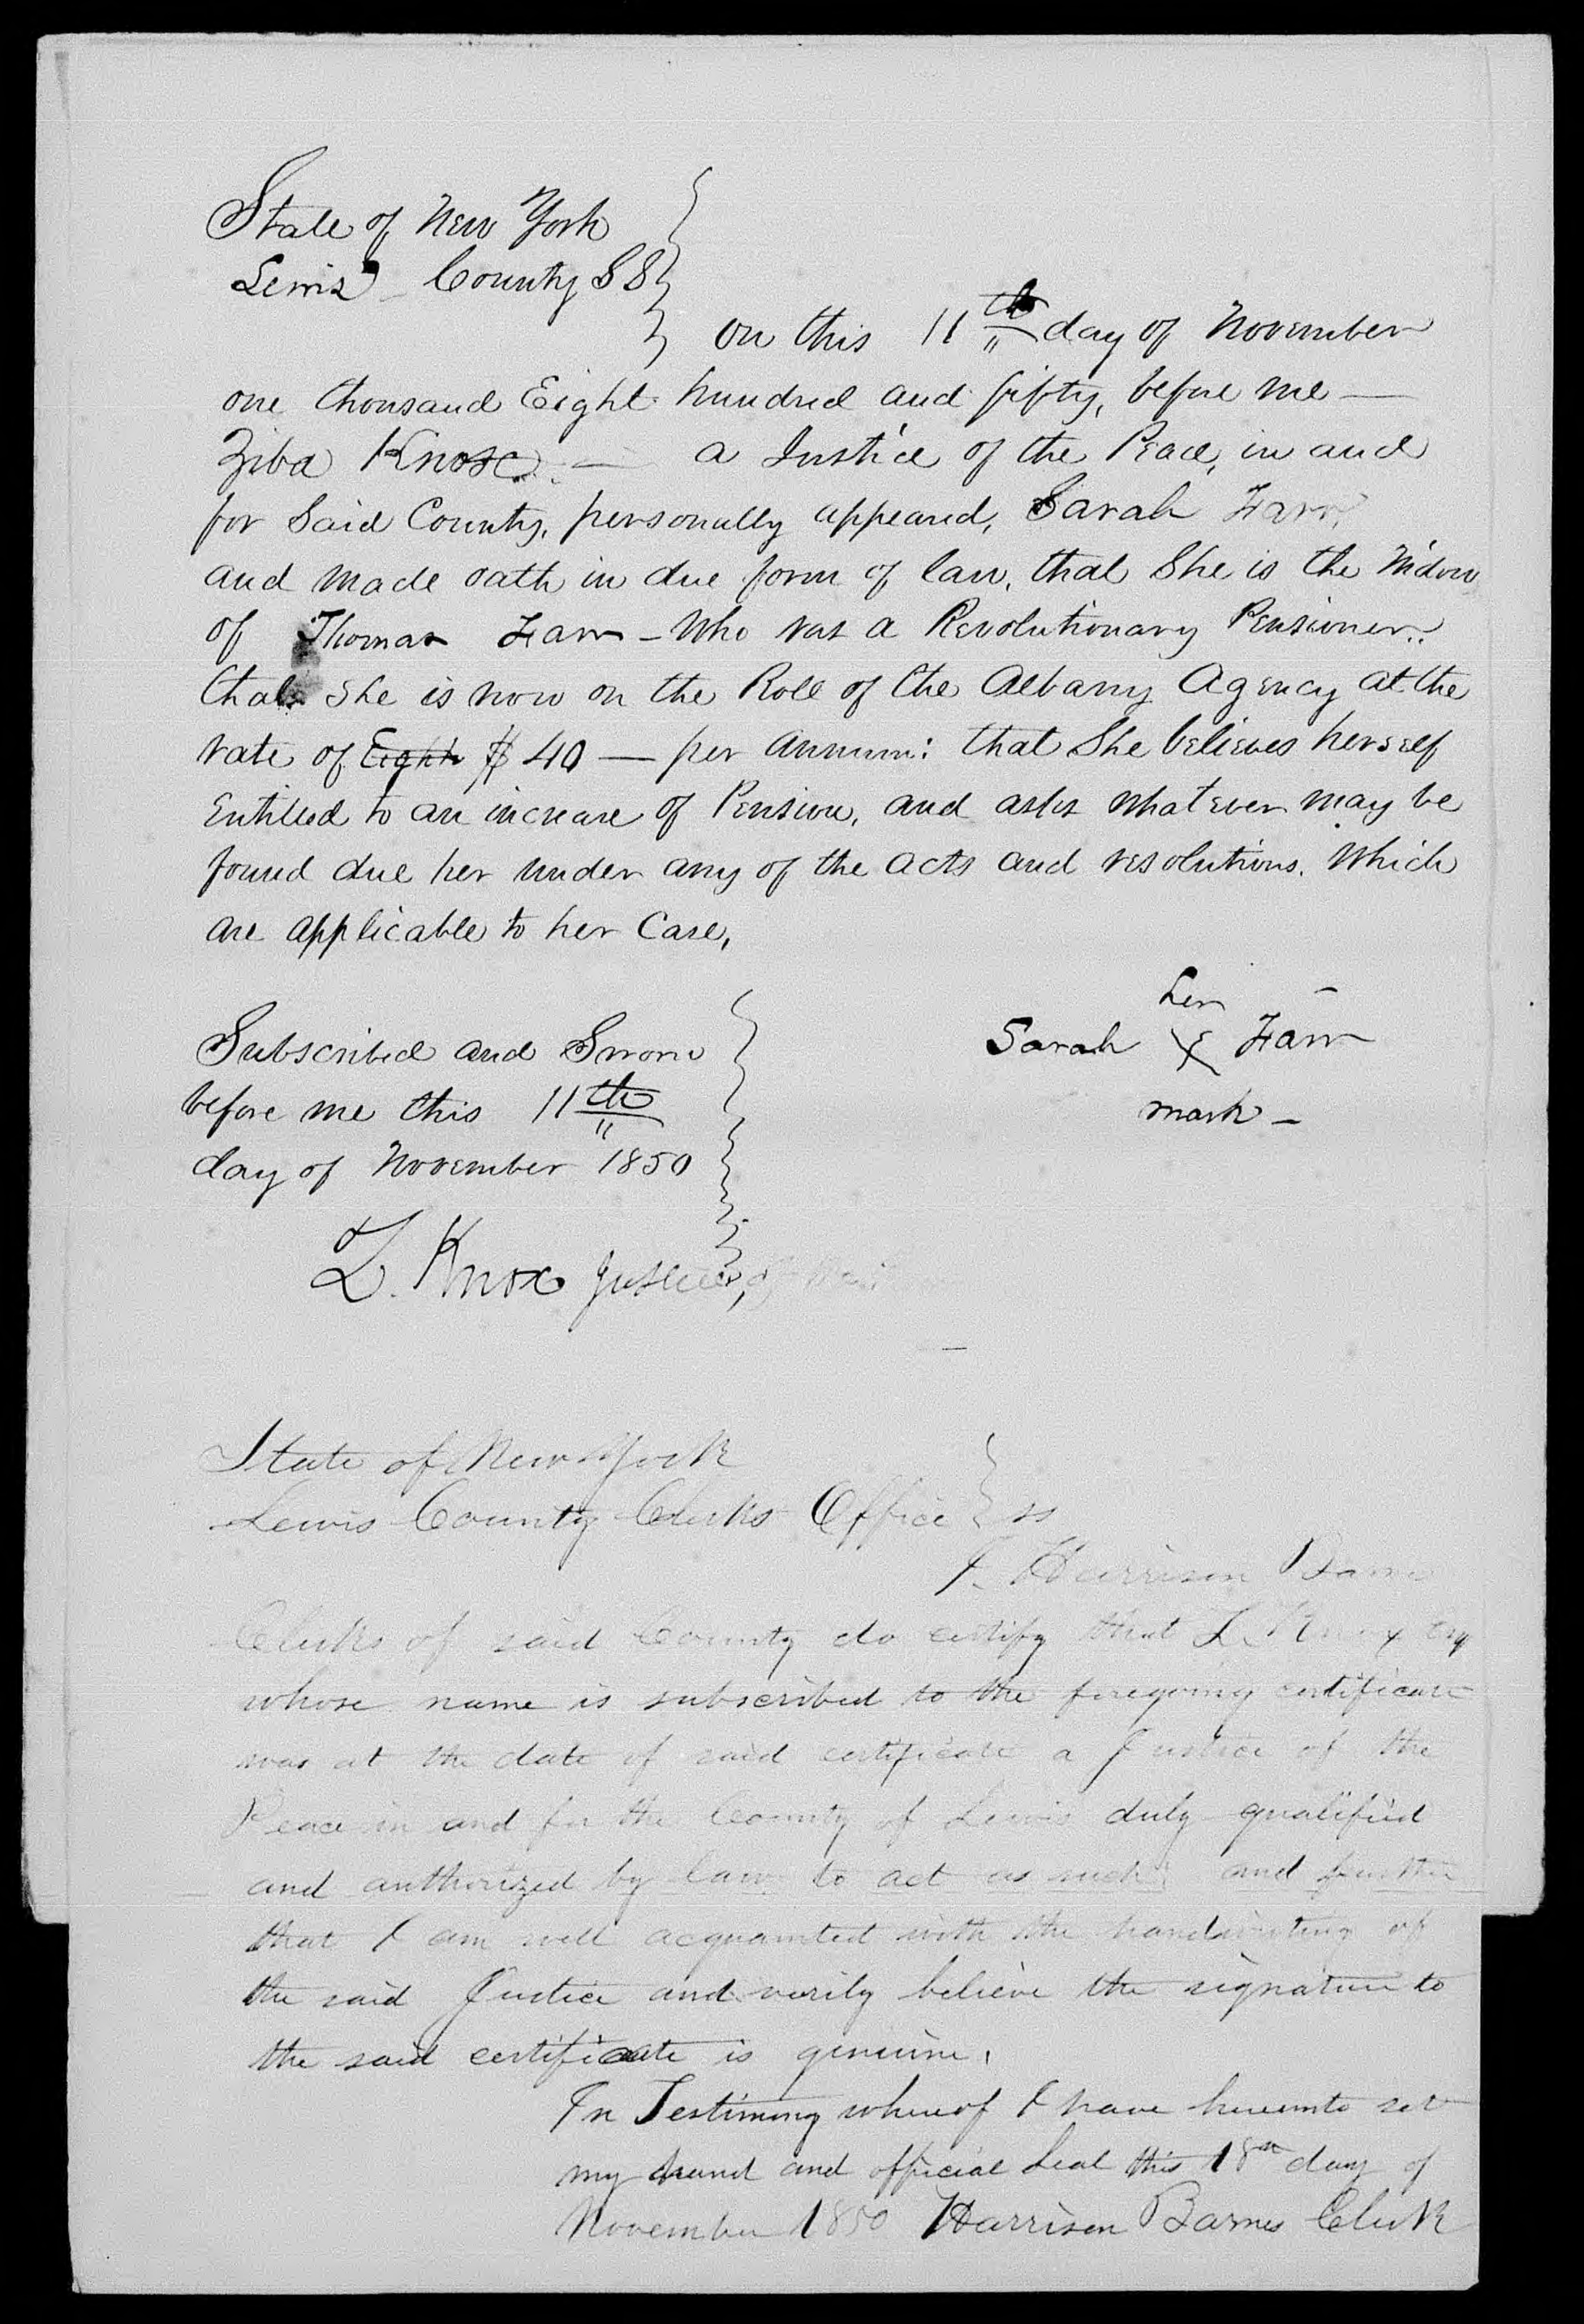State of New York}
Lewis County SS}
On this 11th day of November
one thousand Eight hundred and fifty, before me ---
Ziba Knox--- a Justice of the Peace in and
for Said County, personally appeared, Sarah Farr,
and made oath in due form of law, that she is the widow
of Thomas Farr - who was a Revolutionary Pensioner
that she is now on the Roll of the Albany Agency at the
rate of [Eight crossed out] $40 --- per annum: that she believes herself
entitled to an increase of Pension, and ask whatever may be
found due her under any of the acts and resolutions which
are applicable to her case.
                                                      her -
Subscribed and Sworn}       Sara X Farr
before me this 11th       }              mark -
day of November 1850 }
               L. Knox Justice}

State of New York}
Lewis County Clerks Office} Ss
I, Harrison Barnes
Clerk of said County do certify that L. Knox Esq
whose name is subscribed to the foregoing certificate
was at the date of said certificate a Justice of the
Peace in and for the County of Lewis duly qualified
and authorized by law to act as such and further
that I am well acquainted with the handwriting of
the said Justice and verily believe the signature to
the said certificate is genuine.
In Testimony whereof I have hereunto set
my hand and official Seal this 18th day of
November 1850 Harrison Barnes Clerk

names: Harrison Barnes, Harrison Barnes, Sarah Farr, Ziba Knox, Z Knox, Sarah Farr, Thomas Farr, Z Knox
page: 41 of 46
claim: widow's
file: W. 23022, Thomas Farr, N.H.